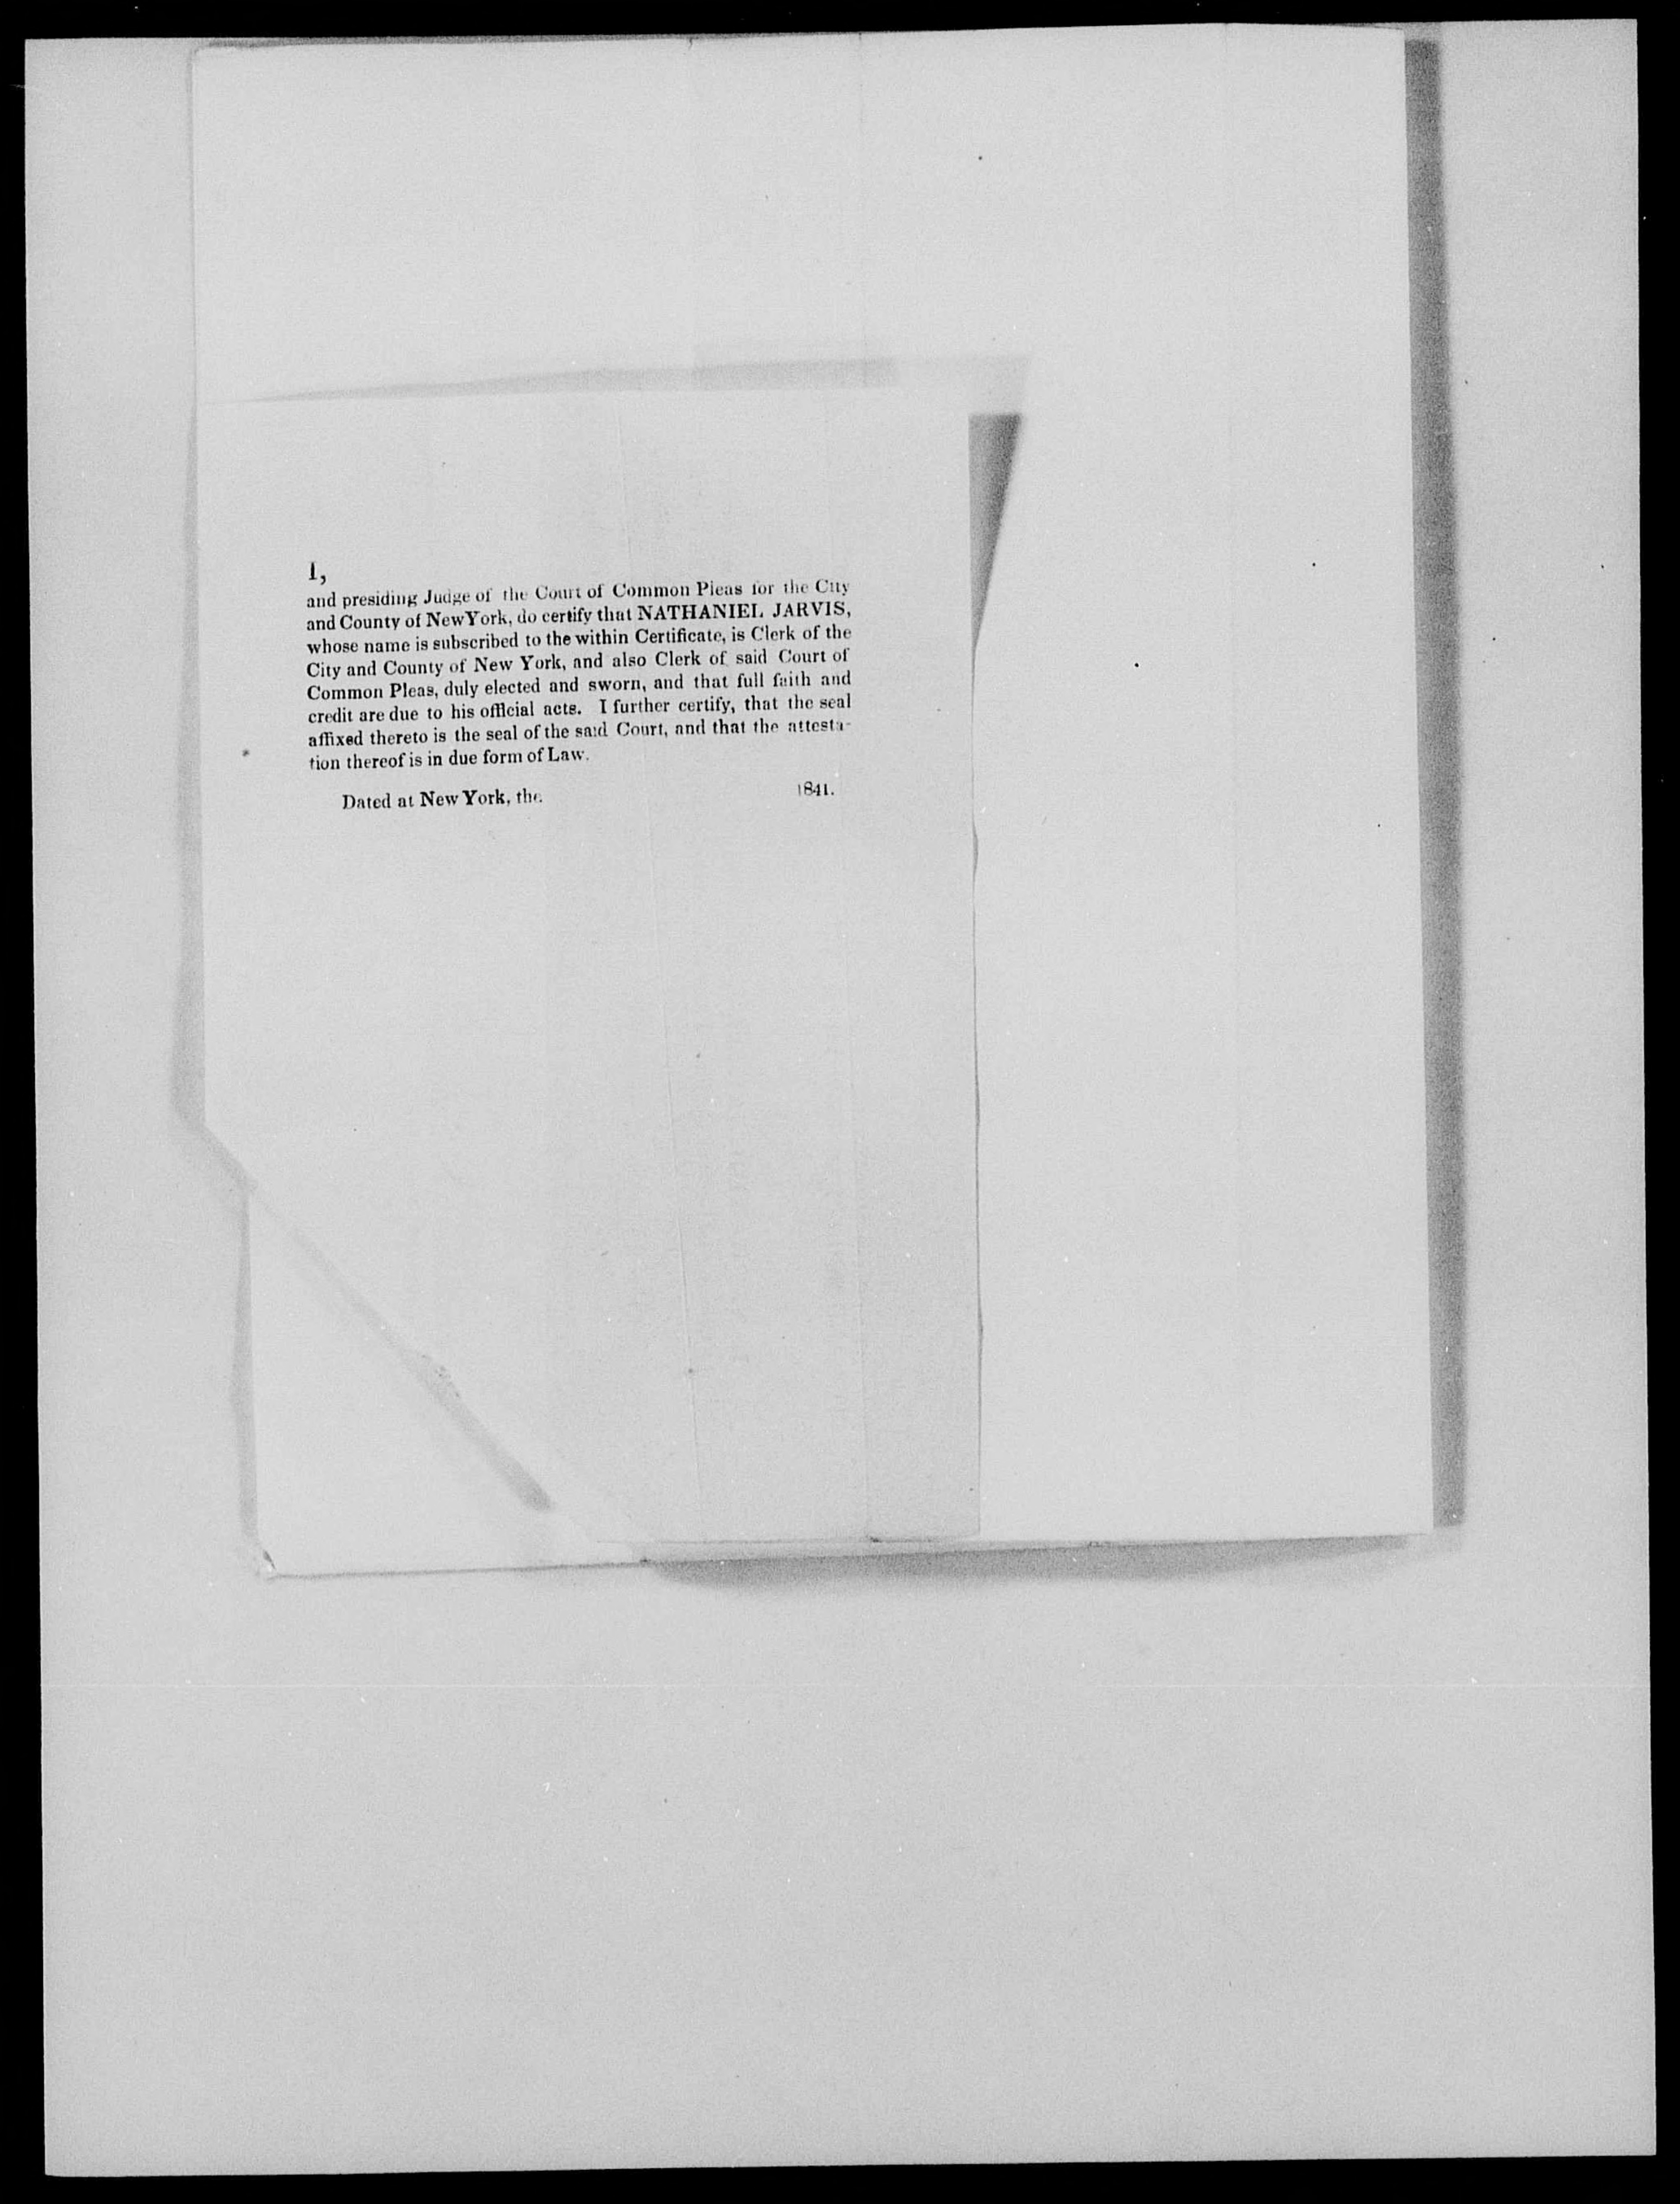I,
and presiding Judge of the Court of Common Pleas for the City
and County of New York, do certify that NATHANIEL JARVIS,
whose name is subscribed to the within Certificate, is Clerk of the
City and County of New York, and also Clerk of said Court of
Common Pleas, duly elected and sworn, and that full faith and
credit are due to his official acts. I further certify, that the seal
affixed thereto is the seal of the said Court, and that the attestation
thereof is in due form of Law.
Dated at New York, the
1841.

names: Nathaniel Jarvis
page: 5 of 75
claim: survivor's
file: S. 9989, for William Popham, Delaware